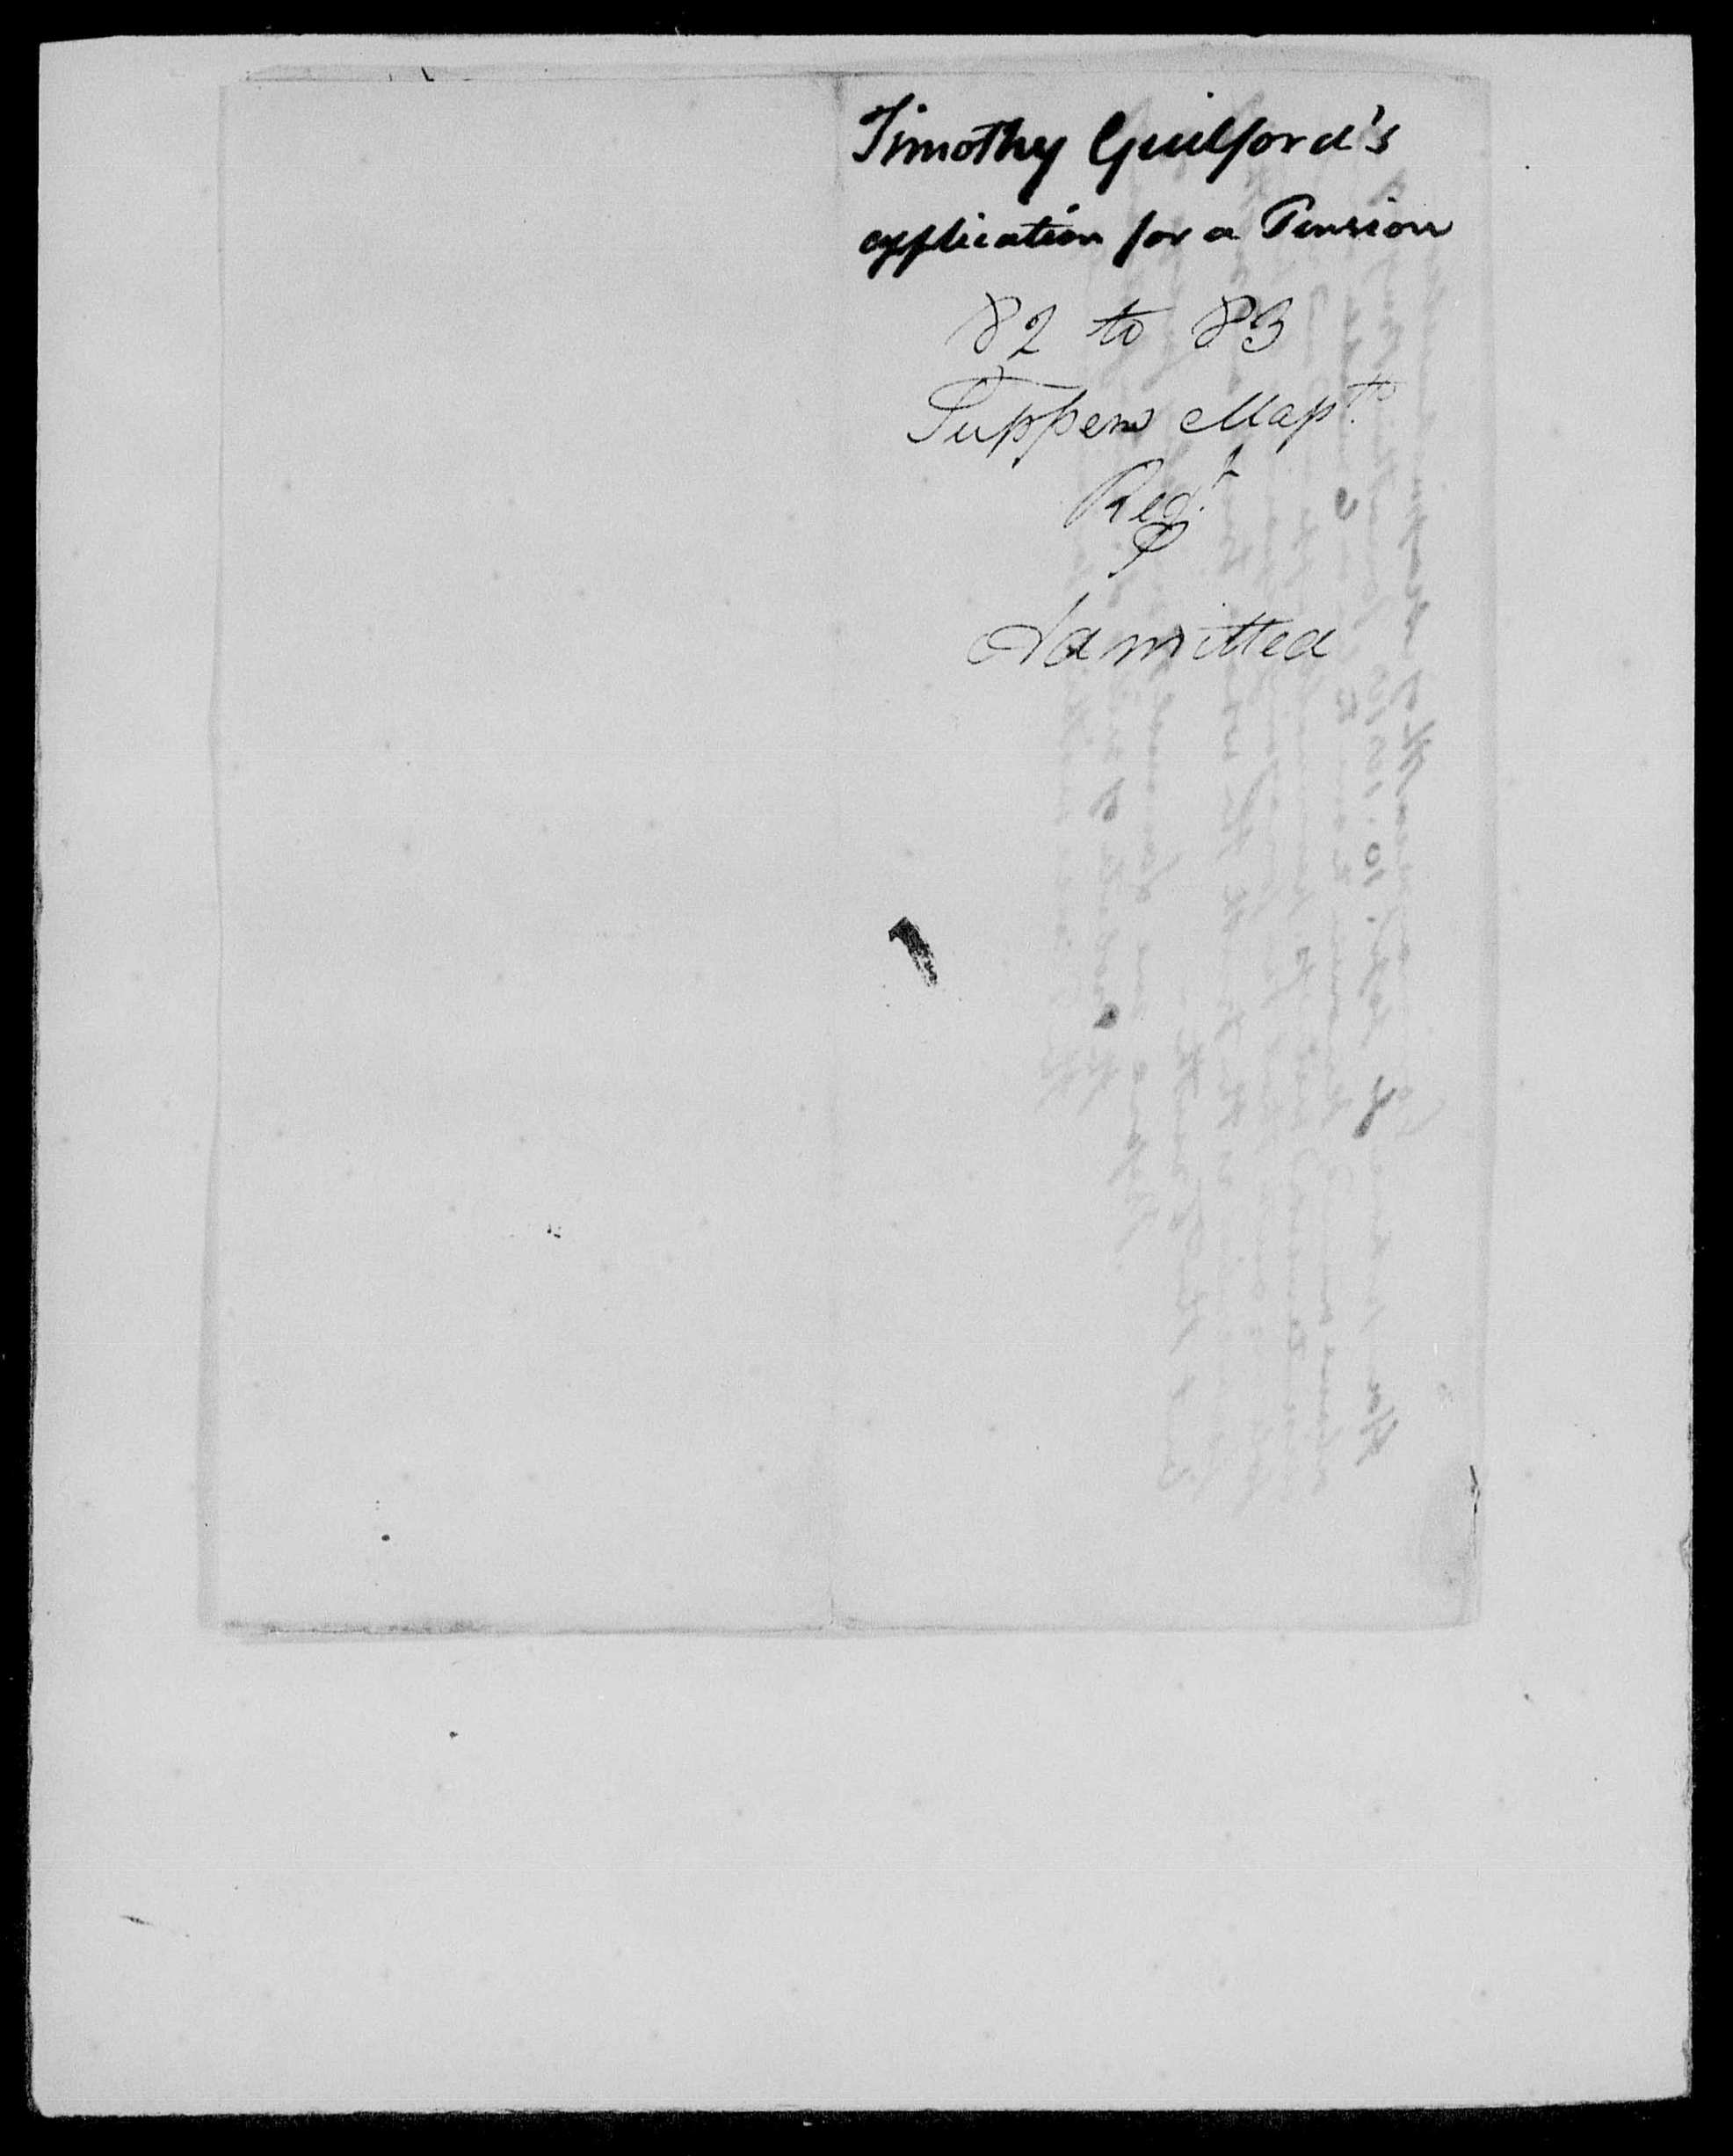Timothy Guilford's application for a Pension

82 to 83
Tupper Mass th
Regt
Admitted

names: Timothy Guilford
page: 24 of 26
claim: widow's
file: W. 21,238, Timothy Guilford, Mass.